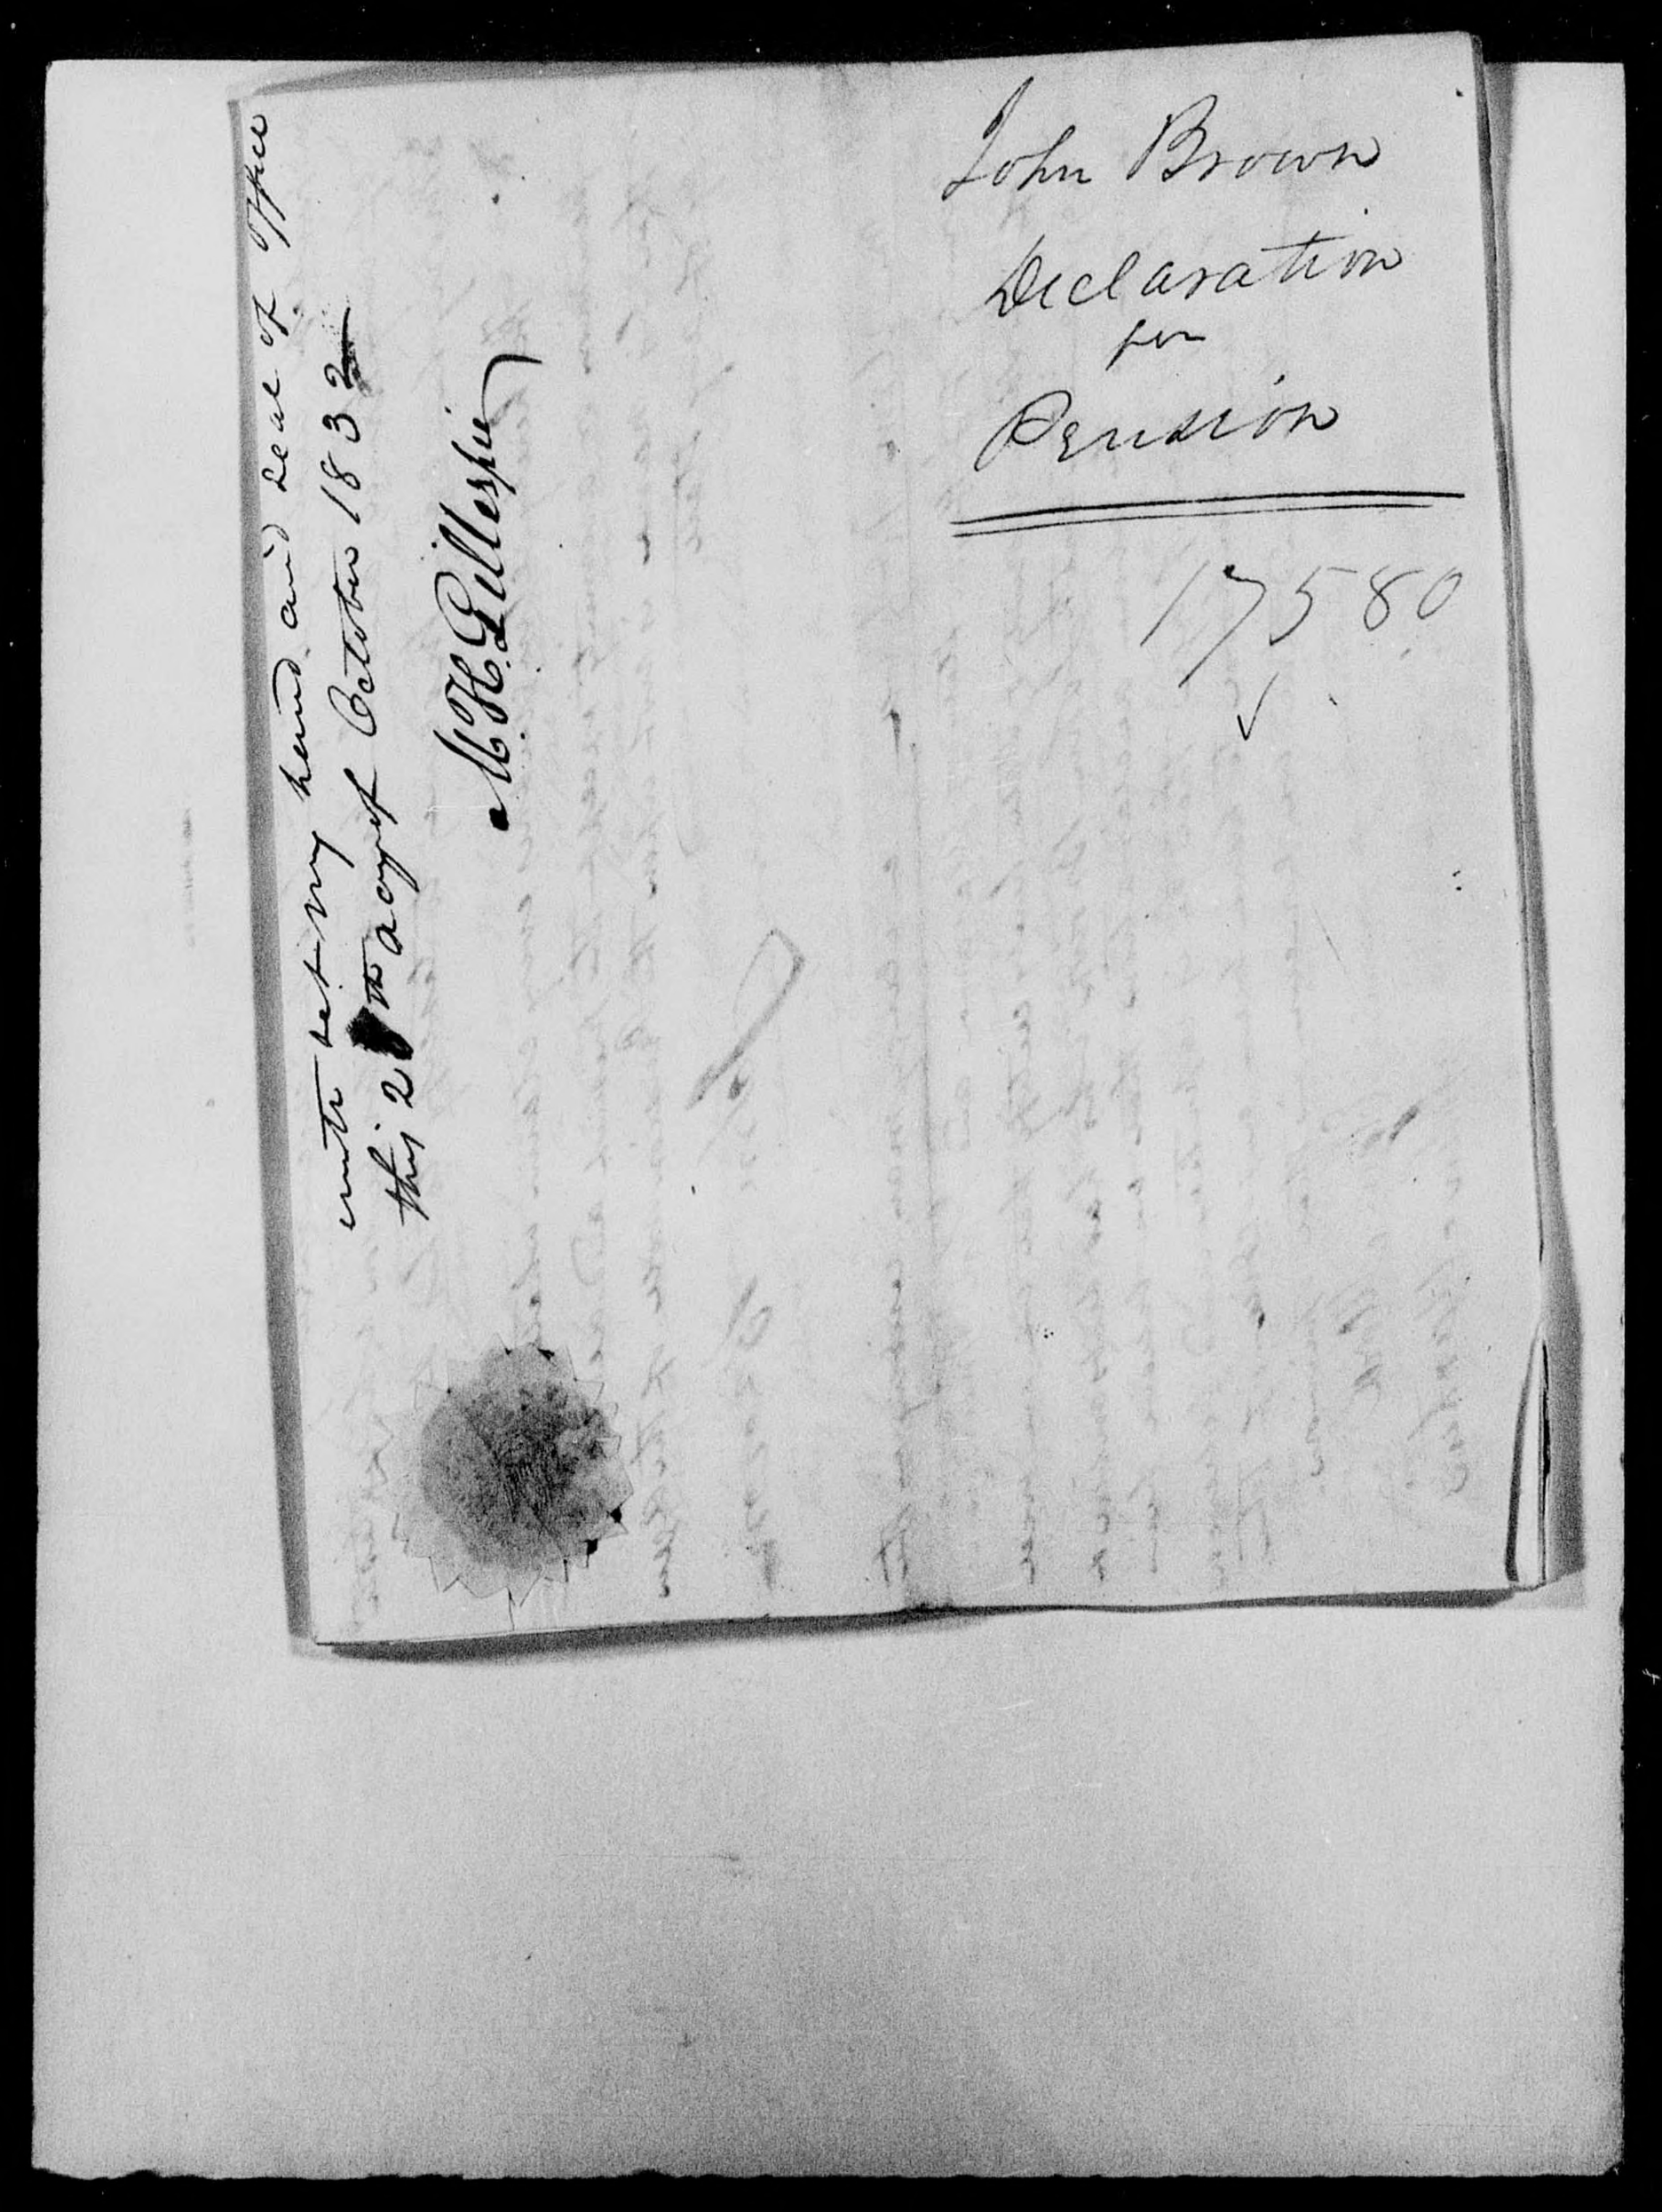John Brown

Declaration
for 
Pension
17580

with my hand and seal of office
October 1832
M H Gillespie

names: M H Gillespie, John Brown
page: 5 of 85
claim: widow's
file: W. 5,906, John Brown, S.C.